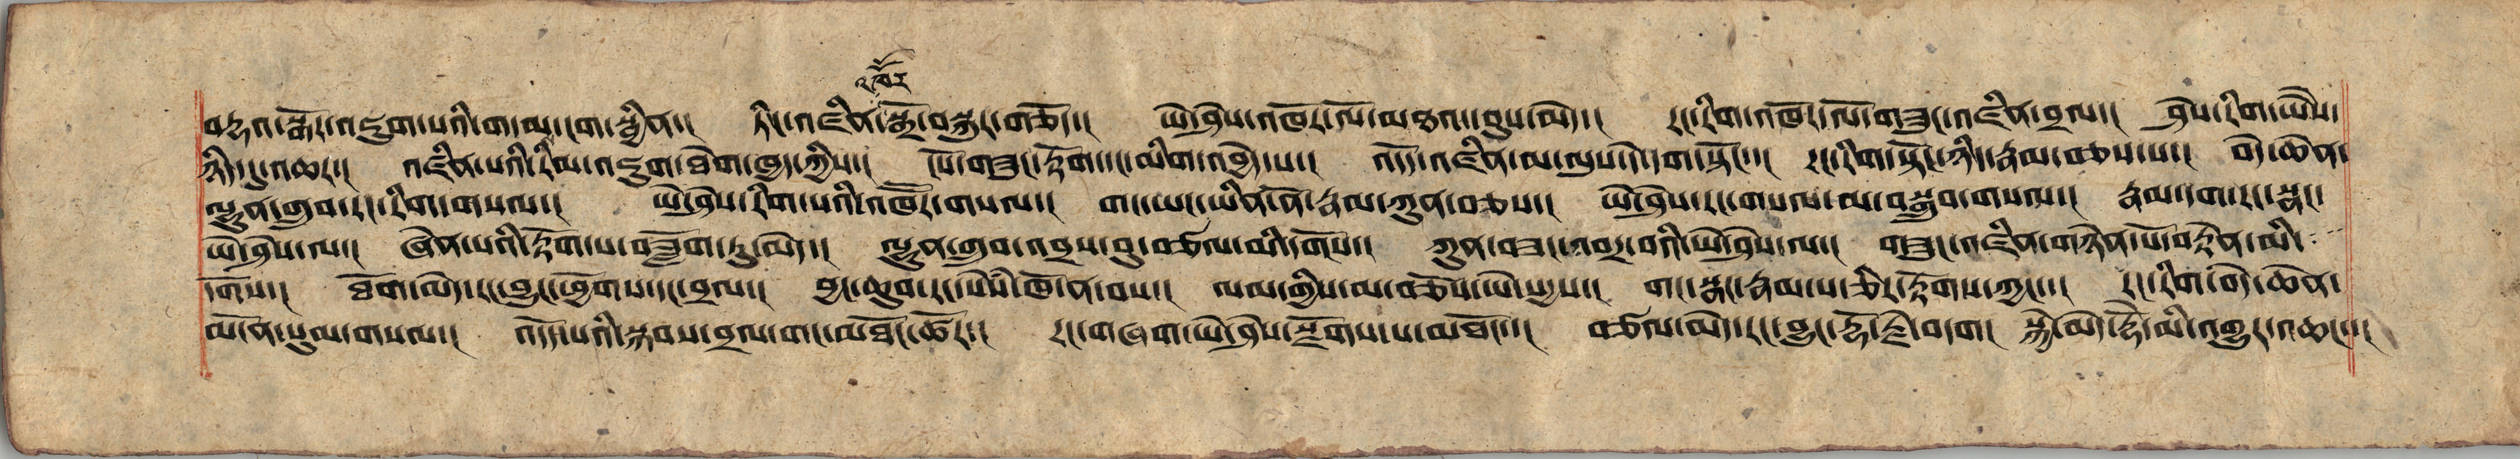བདྷའ་སྒོར་འཇུག་པའི་གདམ་ངག་སྦྱིན་། ཏིང་འཛིན་སྒྲོ་བསྐུར་གཅོད་། ཡེ་ཤེས་འཁོར་ལོ་མཐའ་དབུས་མེད་། རང་རིག་འཁོར་ལོ་གཟུང་འཛིན་བྲལ་། ཤེས་རིག་ཡཻས་
ཉིད་དུ་འཆར་། འཛིན་པའི་རིམ་འཇུག་ཐེག་ཁྱད་ཀྱིས་། ངོས་གཟུང་རྟོག་དང་མིག་འབྱེད་པ་། འདོད་འཛིན་མ་ལུས་དེ་དག་སྟོང་། རང་རིག་སྟོང་ཉིད་རྣམ་བཅས་པ་། བདེ་ཆེན་
ལྷུན་གྲུབ་རང་རིག་གསལ་། ཡེ་ཤེས་རིག་པའི་འཁཽར་གསལ་། གང་ཡང་ཡིན་ནོ་རྣམ་ཀུན་བཅས་། ཡེ་ཤེས་རང་གསལ་མ་བསྒྲུབ་གསལ་། རྣམ་དག་རང་སྣང་
ཡེ་ཤེས་ལ་། ཞེན་པའི་རྟོག་པ་བཟློག་ཏུ་མེད་། ལྷུན་གྲུབ་འབྲས་བུ་བཙལ་མི་དགོས་། ཀུན་བཟང་འབར་བའི་ཡེ་ཤེས་ལ་། གཟུང་འཛིན་གཉེན་པོ་བརྟེན་མི་
དགོས་། ཐོག་མེད་རང་བྱུང་ཕྱོགས་དང་བྲལ་། བྱང་ཆུབ་རང་སེསཾ་ཁོ་ན་བས་། ལམ་གྱིས་མ་བཅོས་ཡེ་སདྱས་། གང་སྣང་རྣམ་པ་ཅིར་རྟོགས་ཀྱང་། རང་རིག་བདེ་ཆེན་
མངོན་སུམ་གསལ་། འོདད་པའི་སྐབས་བྲལ་གང་མཐོང་ཚོར་། རང་གཞག་ཡེ་ཤེས་སྫོགས་པ་མཐོང་། བཙལ་མེད་རང་བྱུང་རྡོ་རྗེ་བདག། སྐྱེ་མེད་རྡོེ་མི་འགྱུར་འཆང་།